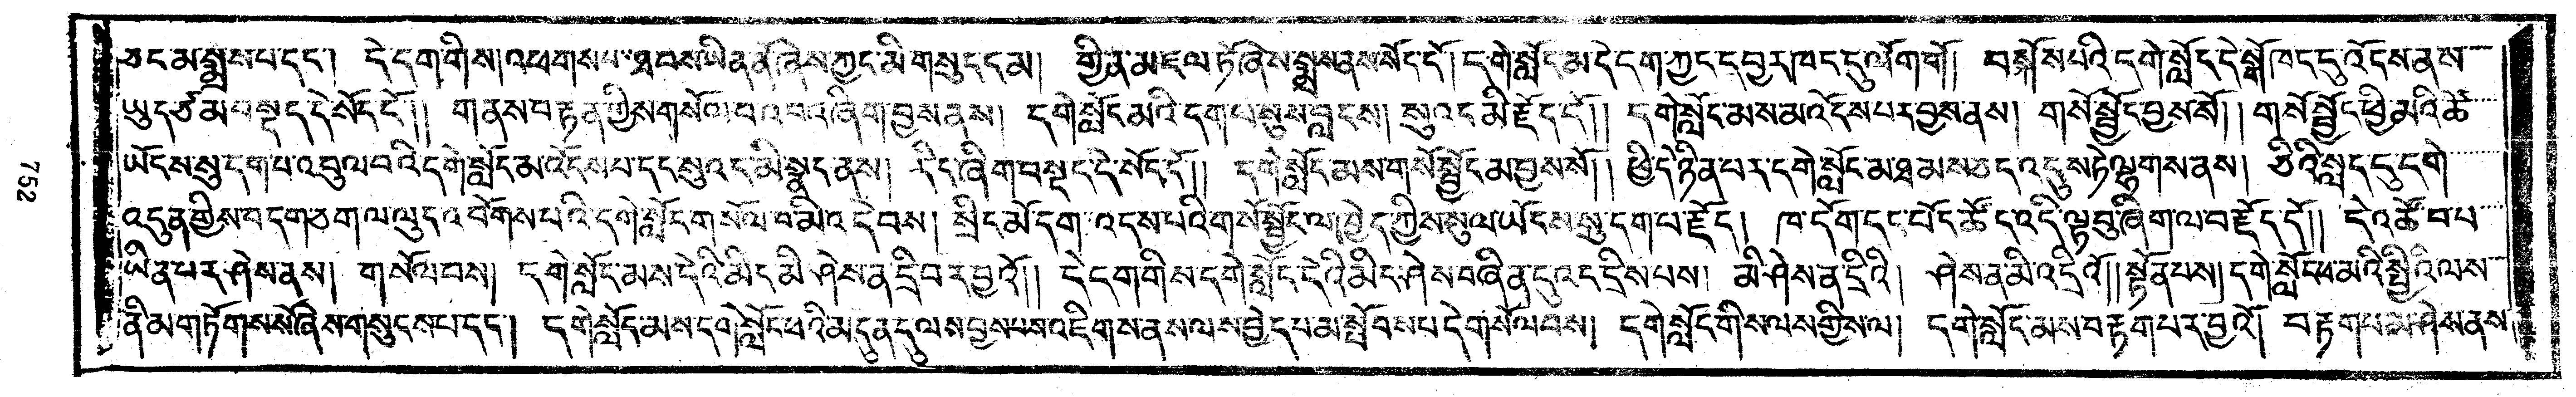ཅང་མ་སྨྲས་པ་དང་། དེ་དག་གིས། འཕགས་པ་ཐབས་ཡིན་ནོ་ཞེས་ཀྱང་མི་གསུང་ངམ། གྱིན་མཇལ་ཏོ་ཞེས་སྨྲས་ནས་སོང་ངོ། དགེ་སློང་མ་དེ་དག་ཀྱང་དབྱར་ཁང་དུ་ལོག་གོ། བསྒོས་པའི་དགེ་སློང་དེ་སྒོ་ཁང་དུ་འོངས་ནས་
ཡུད་ཙམ་བསྡད་དེ་སོང་ངོ།། གནས་བརྟན་གྱིས་གསོལ་བ་འབའ་ཞིག་བྱས་ནས། དགེ་སློང་མའི་དག་པ་སུས་བླངས། སུའང་མི་རྗོད་དོ།། དགེ་སློང་མས་མ་འོངས་པར་བྱས་ནས། གསོ་སྦྱོང་བྱས་སོ། །གསོ་སྦྱོང་ཕྱི་མའི་ཚེ་
ཡོངས་སུ་དག་པ་འབུལ་བའི་དགེ་སློང་མ་འོངས་པ་དང་སུའང་མི་སྣང་ནས། རིང་ཞིག་བསྡད་དེ་སོད་དོ།། དགེ་སློང་མས་གསོ་སྦྱོང་མ་བྱས་སོ།། ཕྱི་དེ་ཉིན་པར་དགེ་སློང་མ་ཐམས་ཅད་འདུས་ཏེ་ལྷགས་ནས། ཅིའི་སླད་དུ་དགེ་
འདུན་གྱིས་བདག་ཅག་ལ་ལུད་འབོགས་པའི་དགེ་སློང་གསོལ་བ་མི་འདེབས། སྲིང་མོ་དག༑ འདས་པའི་གསོ་སྦྱོང་ལ་ཁྱེད་ཀྱིས་སུལ་ཡོངས་སུ་དག་པ་རྗོད། ཁ་དོག་དང་པོང་ཚོད་འདི་ལྟ་བུ་ཞིག་ལ་བརྗོད་དོ།། དེ་འཚོ་བ་པ་
ཡིན་པར་ཤེས་ནས། གསོལ་བས། དགེ་སློང་མས་དེའི་མིང་མི་ཤེས་ན་དྲི་བར་བྱའོ།། དེ་དག་གིས་དགེ་སློང་དེའི་མིང་ཤེས་བཞིན་དུའང་དྲིས་པས། མི་ཤེས་ན་དྲིའི། ཤེས་ན་མི་འདྲིའོ། །སྟོན་པས། དགེ་སློང་ཕ་མའི་སྤྱིའི་ལས་
ནི་མ་གཏོགས་སོ་ཞེས་གསུངས་པ་དང་། དགེ་སློང་མས་དགེ་སློང་ཕའི་མདུན་དུ་ལས་བྱས་པས་འཇིགས་ནས་ལས་བྱེད་པ་མ་སྤོབས་པ་དེ་གསོལ་བས། དགེ་སློང་གིས་ལས་གྱིས་ལ། དགེ་སློང་མས་བརྟག་པར་བྱའོ། བརྟག་པ་མ་ཤེས་ནས་